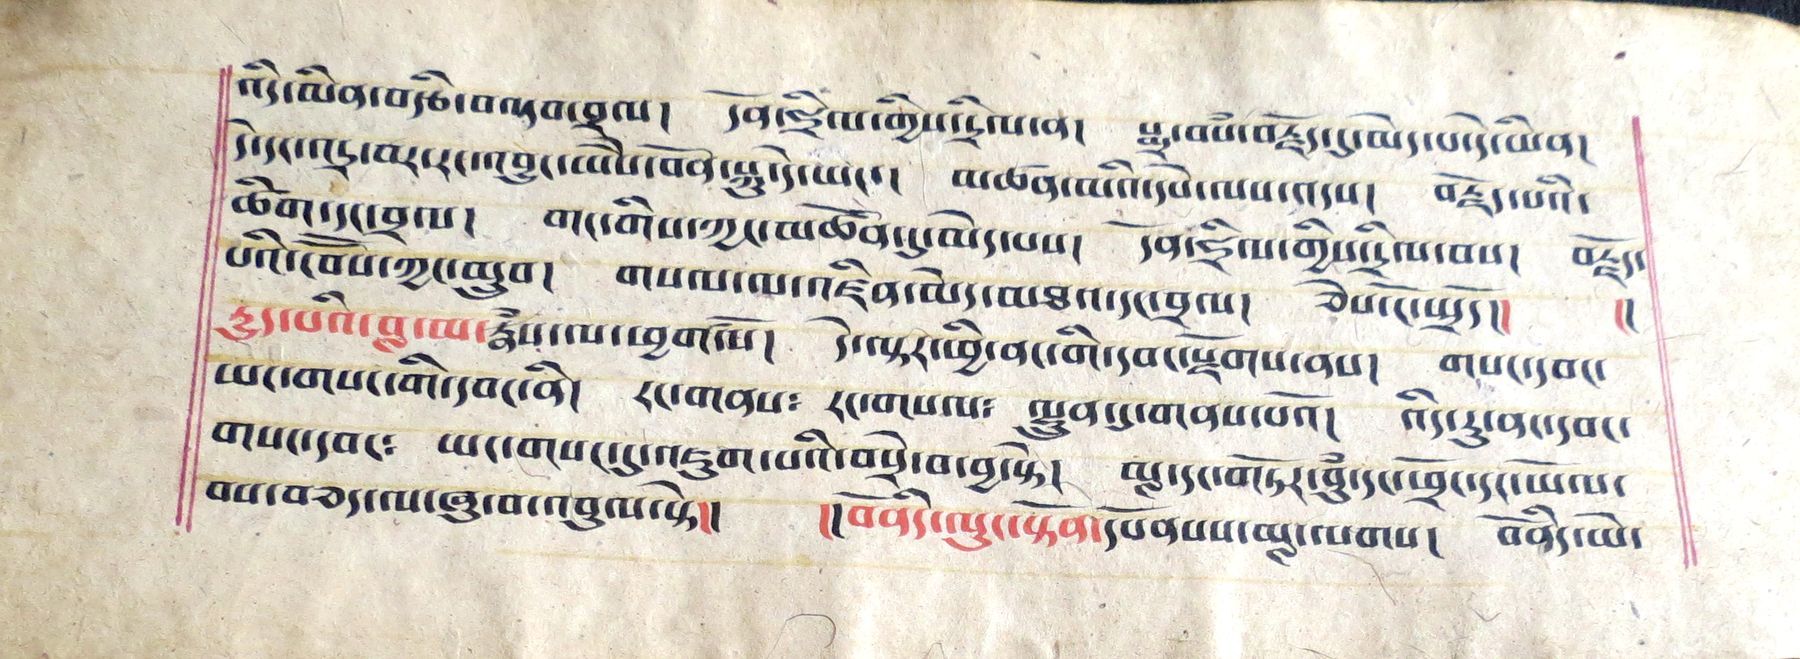འདི་མིན་གྱི་རྩིས་གདབ་དང་བྲལ། དོན་ཧྲིལ་གྱིས་དྲིལ་ན་སྨྲ་བསམ་བརྗོད་དུ་མེད་པ་དེ་ཡིན། 
དེ་དང་འདྲ་བ་རང་འབྱུང་གི་ཡེ་ཤེས་བོན་གྱི་སྐུ་དེ་ཡང་། མཚན་མའི་དཔེ་ལས་འདས། བརྗོད་པའི་
ཚིག་དང་བྲལ། གང་གིས་མཚོན་དུ་མེད་པས། དོན་ཧྲིལ་གྱིས་དྲིལ་བས། བརྗོད་
པའི་ངོ་བོ་གང་ཡང་མ་གྲུབ་པས། གསལ་ལ་འཛིན་མེད་མཐའ་དང་བྲལ། ། ཅེས་ངོ་སྤྲད་དོ། ། 
བརྒྱུད་པའི་བླ་མ་རྣམས་ལ་ཕྱག་འཚལ་ལོ། ། དེ་ལྟར་ཕྱི་ནང་གི་དབང་རྫོགས་ནས། གསང་དབང་
ཡང་གསང་དབང་ནི། རང་གནས། རང་གསལ། ལྷུན་གྲུབ་ཏུ་གནས་པའོ། ། འདི་རུ་ནང་དབང་
གསང་དབང་ཡང་གསང་དུ་འཇུག་པའི་བསྲེ་བ་བྱ་སྟེ། བླ་མ་དང་། གཏོར་མ་དང་། བུམ་པ་དང་། ཕོ་བྲང་ཡོལ་
བས་བཅད་ལ་ཞུ་བ་འབུལ་ཏེ། བོན་ཉིད་ལུང་སྟོན་དཔོན་གསས་བླ་མ་ལགས། ། བོན་ཉིད་ཡེ་